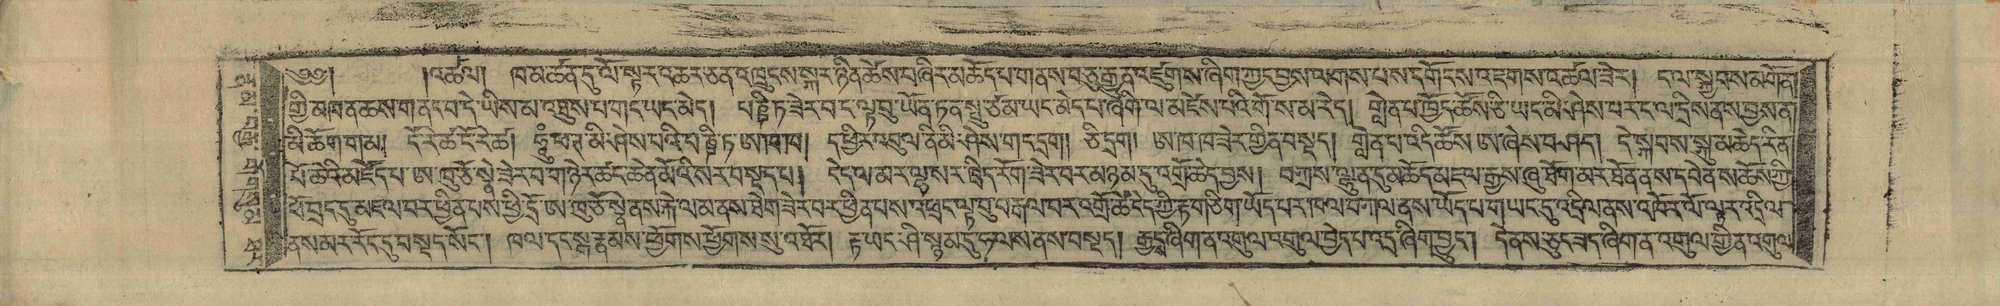༄༅། །འཚལ། ཁམ་ཚན་དུ་ལོ་སྟར་འཆར་ཅན་འཁྲུངས་སྐར་ཉིན་ཚེས་བཞིར་མཆོད་པ་གནས་བཅུ་རྒྱུན་འཛུགས་ཞིག་ཀྱང་བྱས་ལགས་པས་དགོངས་འཇགས་འཚལ་ཟེར། ང་ལ་སྐྱབས་མགོན་
གྱི་མཁན་ཆས་གནང་བ་དེ་ཡིས་མ་འཐུས་པ་གང་ཡང་མེད། པཎྜི་ཏ་ཟེར་བ་ང་ལྟ་བུ་ཡོན་ཏན་སྤུ་ཙམ་ཡང་མེད་པ་ཞིག་ལ་མཛེས་པའི་གོ་ས་མ་རེད། གླེན་པ་ཁྱོད་ཚོས་ཅི་ཡང་མི་ཤེས་པར་ང་ལ་དྲིས་ནས་བྱས་ན་
མི་ཆོག་གམ། ངོ་རེ་ཚ་ངོ་རེ་ཚ། ཧཱུཾ་ཕཊ་མི་ཤེས་པའི་པཎྜི་ཏ་ཨ་ཁ་ཁ། ད་ཕྱིར་འབུལ་ནི་མི་ཤེས་གང་དྲག །ཅི་དྲག །ཨ་ཁ་ཁ་ཟེར་གྱིན་བསྡད། གླེན་པ་འདི་ཚོས་ཨ་ཞེས་བཤད། དེ་སྐབས་སྐུ་མཆེད་རིན་
པོ་ཆེའི་མཛོད་པ་ཨ་ཁུ་ཅོ་སྣེ་ཟེར་བ་གཉེར་ཚང་ཆེན་མོའི་སར་བསྡད་པ། ངེད་ལ་མར་ལྷ་སར་ཁྲིད་རོག་ཟེར་བར་མཉམ་དུ་འགྲོ་ཆེད་བྱས། བཀྲས་ལྷུན་དུ་མཆོད་མཇལ་རྒྱས་ཞུ་ཐོག་མར་ཐོན་ནས་དབེན་ས་ཆོས་ཀྱི་
ཕོ་བྲང་དུ་མཇལ་བར་ཕྱིན་པས་ཕྱི་དྲོ་ཨ་ཁུ་ཅོ་སྣེ་ནས་རྐེ་ལམ་ནས་ཐེག་ཟེར་བར་ཕྱིན་པས་འཕྲང་ལྟ་བུ་བརྒལ་བར་འགྲོ་ཚེ་ངེད་ཀྱི་རྟ་གཅིག་ཡོད་པར་ཁལ་བཀལ་ནས་ཡོད་པ་གཡང་དུ་འདྲིལ་ནས་འཁོར་ལོ་ལྟར་འདྲིལ་
ནས་མར་རོང་དུ་བསྡད་སོང་། ཁལ་དང་སྒ་རྣམས་ཕྱོགས་ཕྱོགས་སུ་འཐོར། རྟ་ཡང་ཤི་སྙམ་དུ་ཧ་ལས་ནས་བསྡད། རྒྱངས་ཞིག་ན་འགུལ་འགུལ་བྱེད་པ་འདྲ་ཞིག་བྱུང་། དེ་ནས་ཅུང་ཟད་ཞིག་ན་འགུལ་གྱིན་འགུལ་